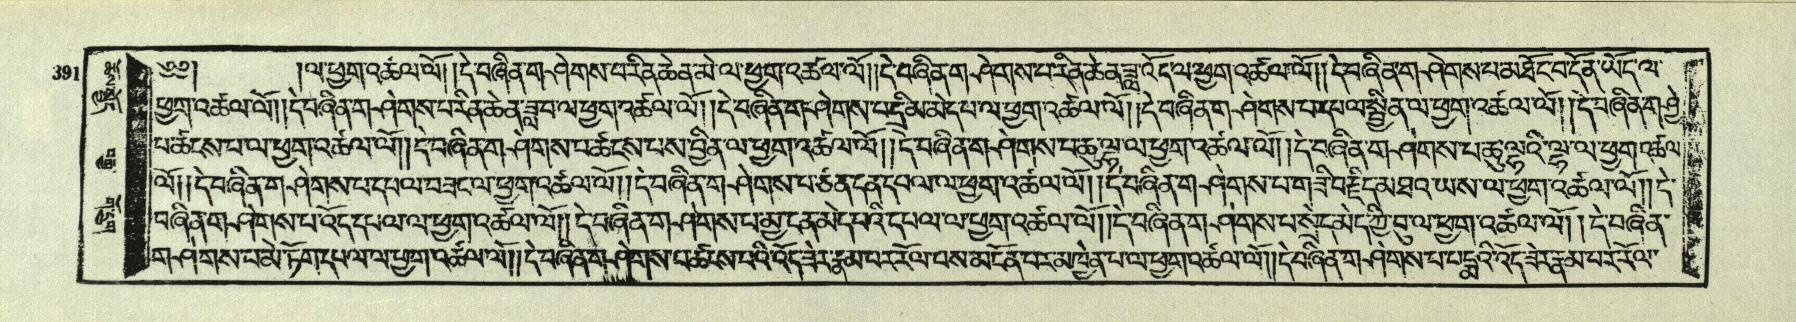༄༅། །ལ་ཕྱག་འཚལ་ལོ། །དེ་བཞིན་གཤེགས་པ་རིན་ཆེན་མེ་ལ་ཕྱག་འཚལ་ལོ། །དེ་བཞིན་གཤེགས་པ་རིན་ཆེན་ཟླ་འོད་ལ་ཕྱག་འཚལ་ལོ། །དེ་བཞིན་གཤེགས་པ་མཐོང་བ་དོན་ཡོད་ལ་
ཕྱག་འཚལ་ལོ། །དེ་བཞིན་གཤེགས་པ་རིན་ཆེན་ཟླ་བ་ལ་ཕྱག་འཚལ་ལོ། །དེ་བཞིན་གཤེགས་པ་དྲི་མ་མེད་པ་ལ་ཕྱག་འཚལ་ལོ། །དེ་བཞིན་གཤེགས་པ་དཔལ་སྦྱིན་ལ་ཕྱག་འཚལ་ལོ། །དེ་བཞིན་གཤྱེ་
པ་ཚངས་པ་ལ་ཕྱག་འཚལ་ལོ། །དེ་བཞིན་གཤེགས་པ་ཚངས་པས་བྱིན་ལ་ཕྱག་འཚལ་ལོ། །དེ་བཞིན་གཤེགས་པ་ཆུ་ལྷ་ལ་ཕྱག་འཚལ་ལོ། །དེ་བཞིན་གཤེགས་པ་ཆུ་ལྷའི་ལྷ་ལ་ཕྱག་འཚལ་
ལོ། །དེ་བཞིན་གཤེགས་པ་དཔལ་བཟང་ལ་ཕྱག་འཚལ་ལོ། །དེ་བཞིན་གཤེགས་པ་ཙན་དན་དཔལ་ལ་ཕྱག་འཚལ་ལོ། །དེ་བཞིན་གཤེགས་པ་གཟི་བརྗིད་མཐའ་ཡས་ལ་ཕྱག་འཚལ་ལོ། །དེ་
བཞིན་གཤེགས་པ་འོད་དཔལ་ལ་ཕྱག་འཚལ་ལོ། །དེ་བཞིན་གཤེགས་པ་མྱ་ངན་མེད་པའི་དཔལ་ལ་ཕྱག་འཚལ་ལོ། །དེ་བཞིན་གཤེགས་པ་སྲེད་མེད་ཀྱི་བུ་ལ་ཕྱག་འཚལ་ལོ། །དེ་བཞིན་
གཤེགས་པ་མེ་ཏོག་དཔལ་ལ་ཕྱག་འཚལ་ལོ། །དེ་བཞིན་གཤེགས་པ་ཚངས་པའི་འོད་ཟེར་རྣམ་པར་རོལ་བས་མངོན་པར་མཁྱེན་པ་ལ་ཕྱག་འཚལ་ལོ། །དེ་བཞིན་གཤེགས་པ་པདམའི་འོད་ཟེར་རྣམ་པར་རོལ་